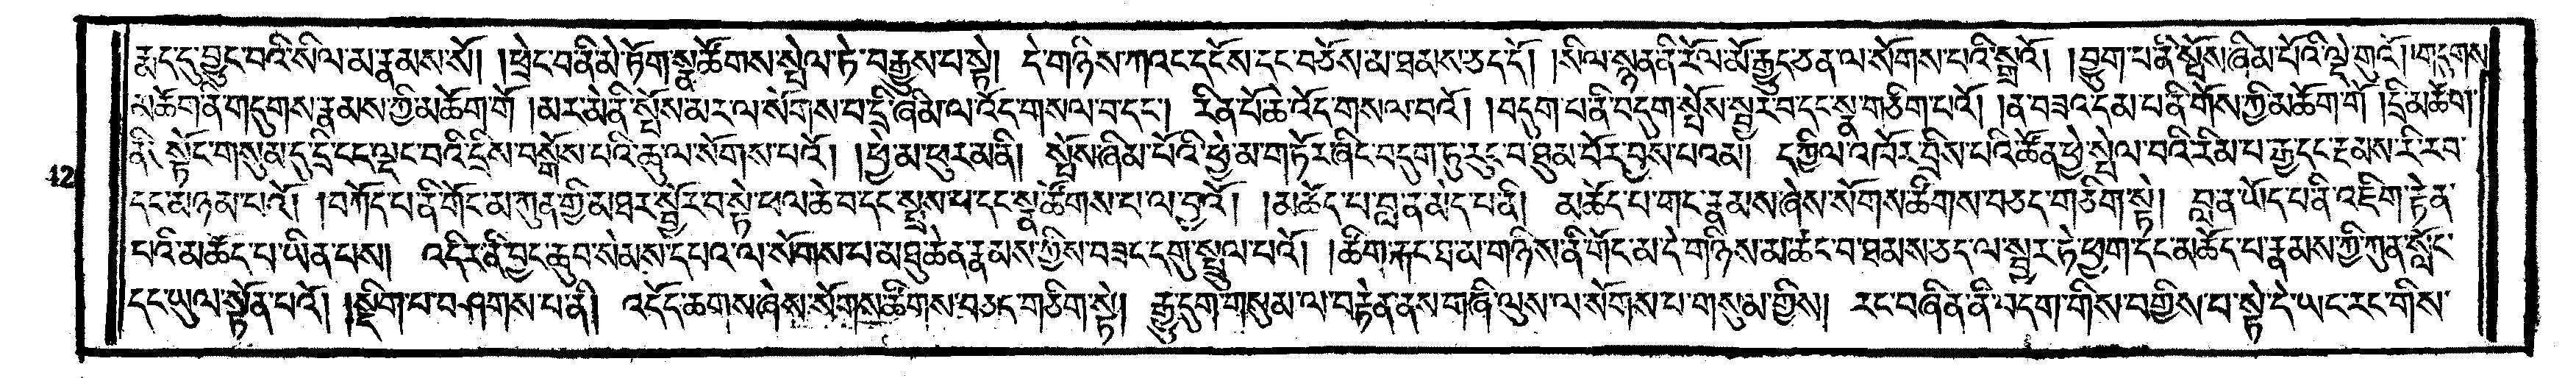རྨད་དུ་བྱུང་བའི་སིལ་མ་རྣམས་སོ། ། ཕྲེང་བ་ནི་མེ་ཏོག་སྣ་ཚོགས་སྤེལ་ཏེ་བརྒྱུས་པ་སྟེ། དེ་གཉིས་ཀའང་དངོས་དང་བཅོས་མ་ཐམས་ཅད་དོ། །སིལ་སྙན་ནི་རོལ་མོ་རྒྱུད་ཅན་ལ་སོགས་པའི་སྒྲའོ། །བྱུག་པ་ནི་སྤོས་ཞིམ་པོའི་ལྡེ་གུའོ། །གདུགས་
མཆོག་ནི་གདུགས་རྣམས་ཀྱི་མཆོག་གོ །མར་མེ་ནི་སྤོས་མར་ལ་སོགས་པ་དྲི་ཞིམ་ལ་འོད་གསལ་བ་དང་། རིན་པོ་ཆེ་འོད་གསལ་བ་འོ། །བདུག་པ་ནི་བདུག་སྤོས་སྦྱར་བ་དང་སྣ་གཅིག་པའོ། །ན་བཟའ་དམ་པ་ནི་གོས་ཀྱི་མཆོག་གོ། །དྲི་མཆོག།
ནི༑ སྟོང་གསུམ་དུ་དྲི་དང་ལྡང་པའི་དྲིས་བསྒོས་པའི་ཆུ་ལ་སོགས་པའོ། །ཕྱེ་མ་ཕུར་མ་ནི། སྤོས་ཞིམ་པོའི་ཕྱེ་མ་གཏོར་ཞིང་བདུག་ཏུ་རུང་བ་ཐུམ་པོར་བྱས་པའམ། དཀྱིལ་འཁོར་བྲིས་པའི་ཚོན་ཕྱེ་སྤེལ་བའི་རིམ་པ་རྒྱ་དང་རྔམས་རི་རབ་
དང་མཉམ་པའོ། །བཀོད་པ་ནི་གོང་མ་ཀུན་གྱི་མཐར་སྦྱོར་བ་སྟེ་ཕལ་ཆེ་བ་དང་སྤྲས་པ་དང་སྣ་ཚོགས་པ་ལ་བྱའོ། །མཆོད་པ་བླ་ན་མེད་པ་ནི། མཆོད་པ་གང་རྣམས་ཞེས་སོགས་ཚིགས་བཅད་གཅིག་སྟེ། བླ་ན་ཡོད་པ་ནི་འཇིག་རྟེན་
པའི་མཆོད་པ་ཡིན་པས། འདིར་ནི་བྱང་ཆུབ་སེམས་དཔའ་ལ་སོགས་པ་མཐུ་ཆེན་རྣམས་ཀྱིས་བཟང་དགུ་སྤྲུལ་པའོ། །ཚིག་རྐང་ཐ་མ་གཉིས་ནི་གོང་མ་དེ་གཉིས་མ་ཚང་བ་ཐམས་ཅད་ལ་སྦྱར་ཏེ་ཕྱག་དང་མཆོད་པ་རྣམས་ཀྱི་ཀུན་སློང་
དང་ཡུལ་སྟོན་པའོ་། །སྡིག་པ་བཤགས་པ་ནི། འདོད་ཆགས་ཞེས་སོགས་ཚིགས་བཅད་གཅིག་སྟེ། རྒྱུ་དུག་གསུམ་ལ་བརྟེན་ནས་གཞི་ལུས་ལ་སོགས་པ་གསུམ་གྱིས། རང་བཞིན་ནི་བདག་གིས་བགྱིས་པ་སྟེ་དེ་ཡང་རང་གིས་